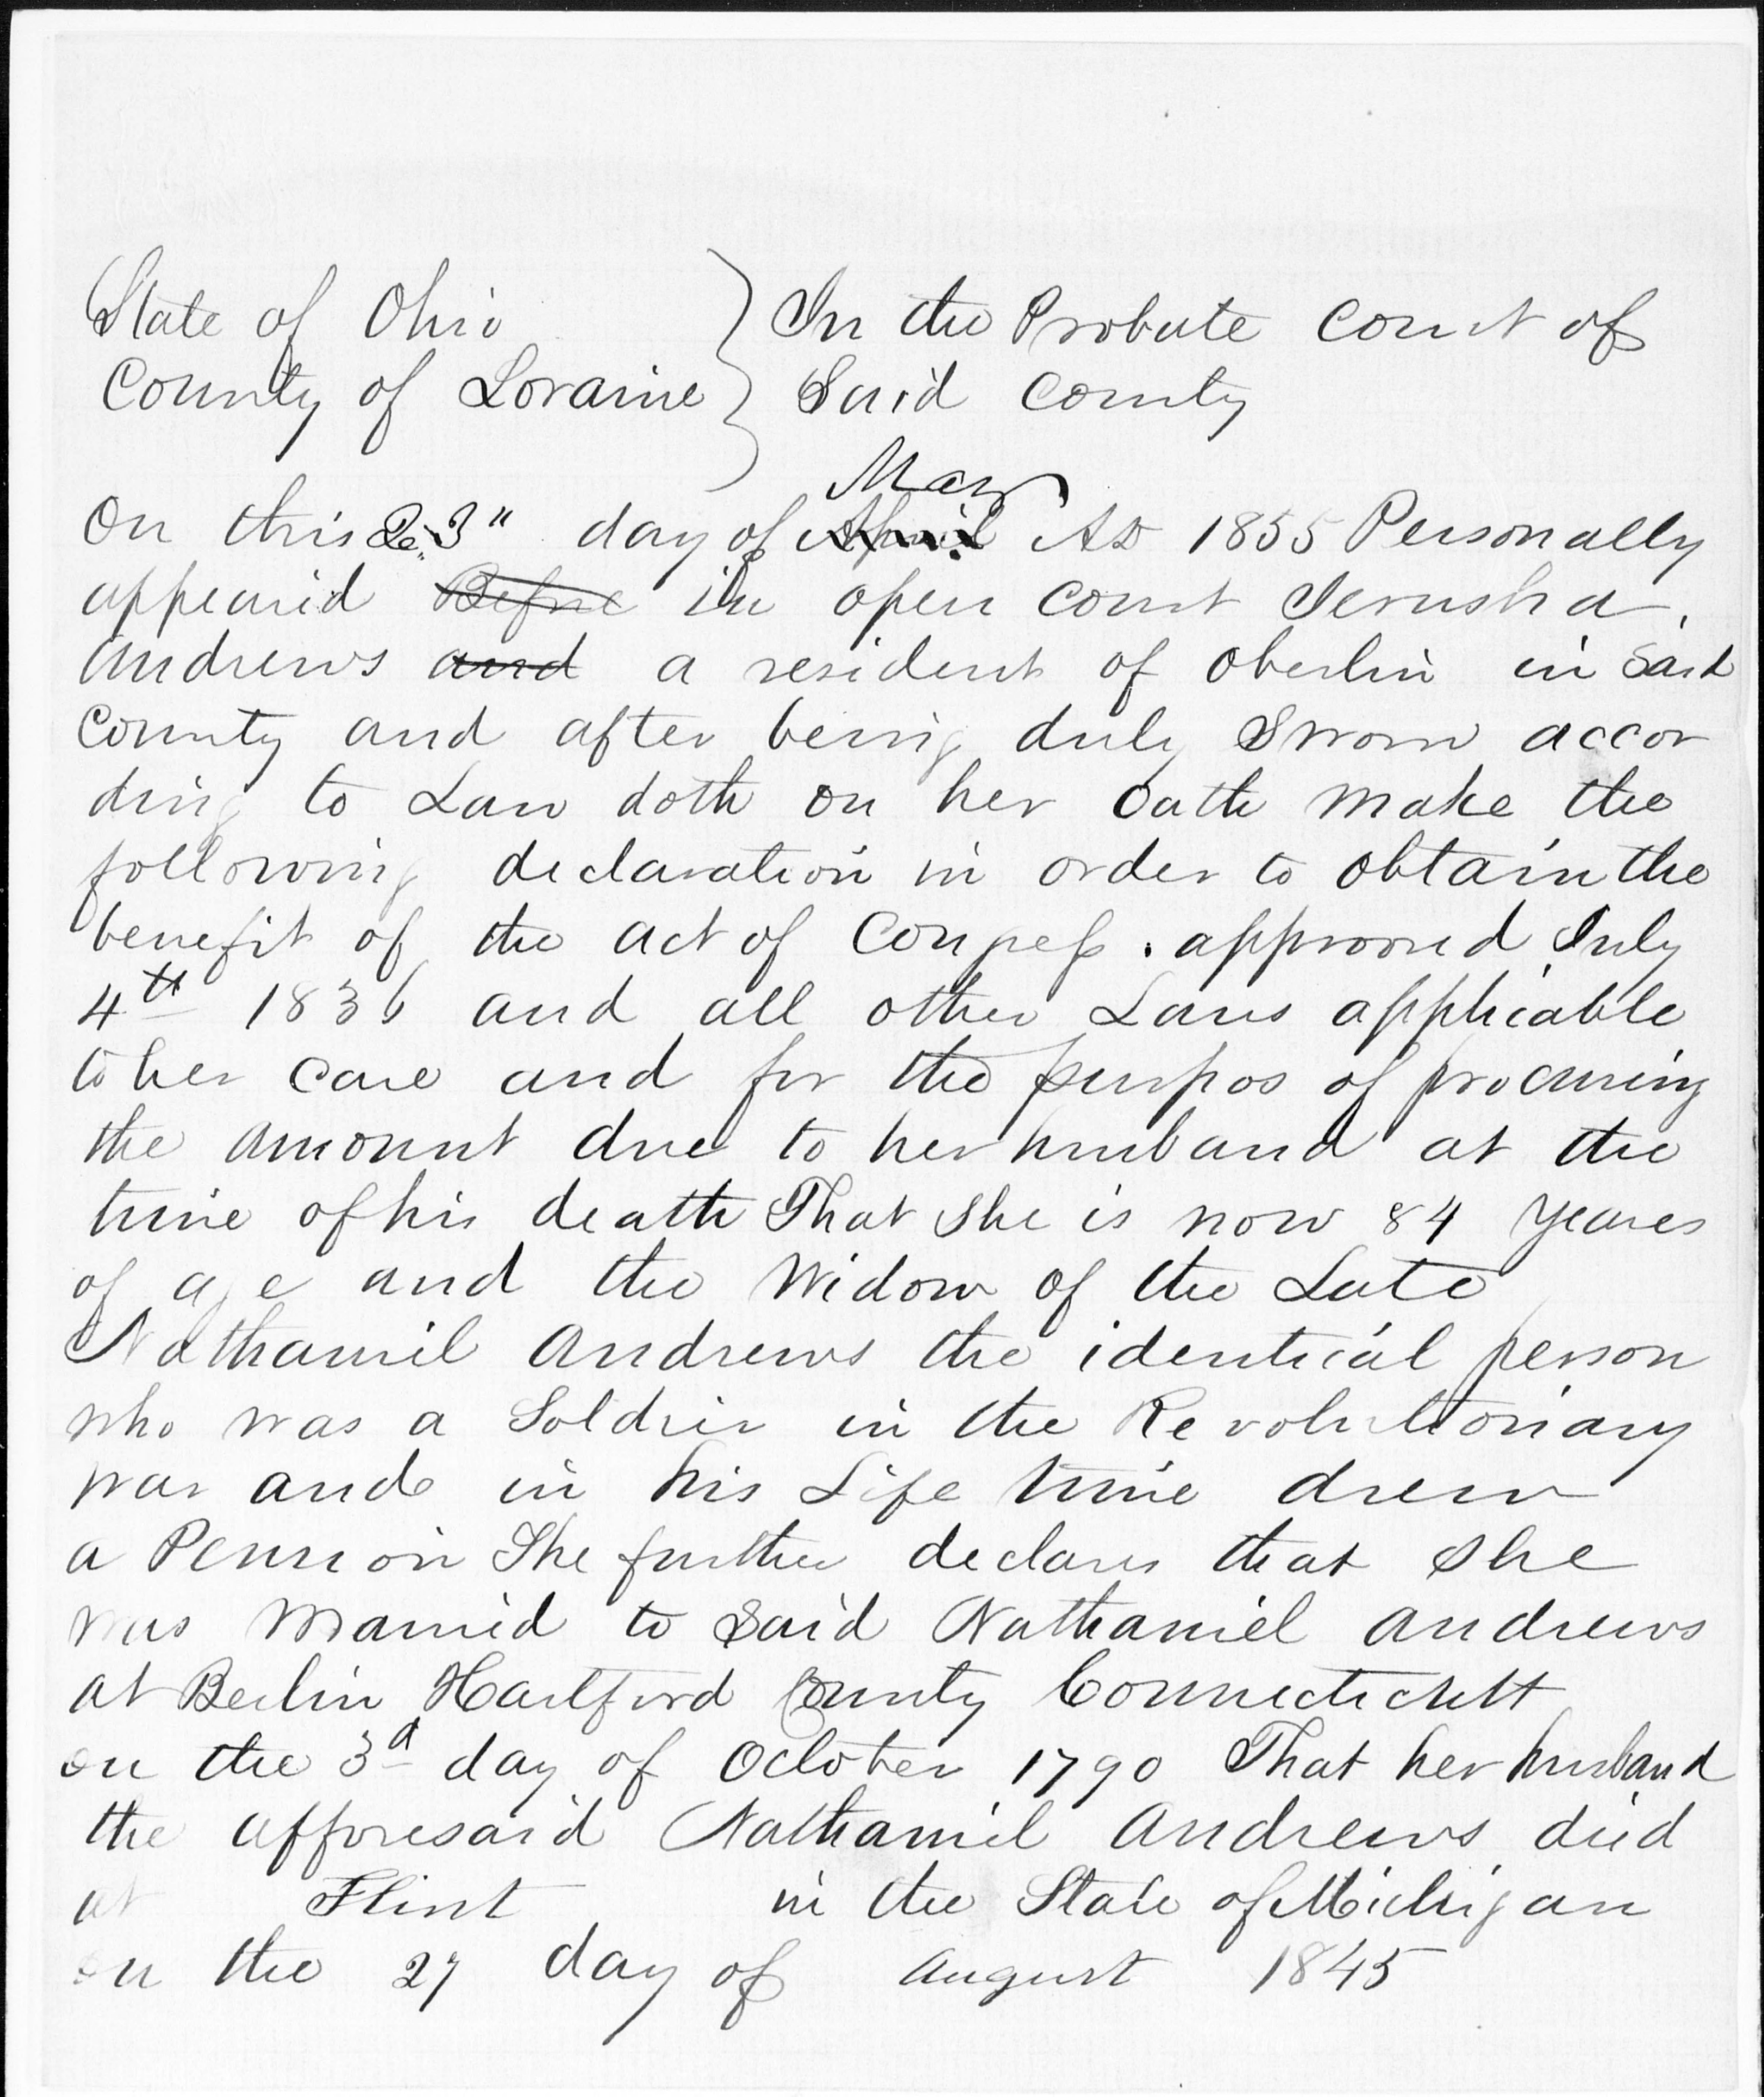State of Ohio
County of Loraine
In the Probate Court of
said County
On this 23 " day of May AD 1855 Personally
appeared in open court Jerusha
Andrews a resident of Oberlin in said
County and after being duly sworn according to Law doth on her oath make the
following declaration in order to obtain the
benefit of the act of Congress approved July
4th 1838 and all other Laws applicable
to her care and for the purpos of procuring
the amount due to her husband at the
time of his death that she is now 84 years
of age and the widow of the late
Nathaniel Andrews the identical person
who was a Soldier in the Revolutionary
War and in his life time deem
a Pension she further declares that she
was Married to said Nathaniel Andrews
at Berlin Hartford County Connecticut
on the 3d day of October 1790 that her husband
the afforesaid Nathaniel Andrews died
in Flint in the State of Michigan
on the 27 day of August 1845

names: Nathaniel Andrews, Jerusha Andrews, Nathaniel Andrews, Nathaniel Andrews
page: 30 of 78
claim: widow's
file: W. 4117, Nathaniel Bradley, Conn.